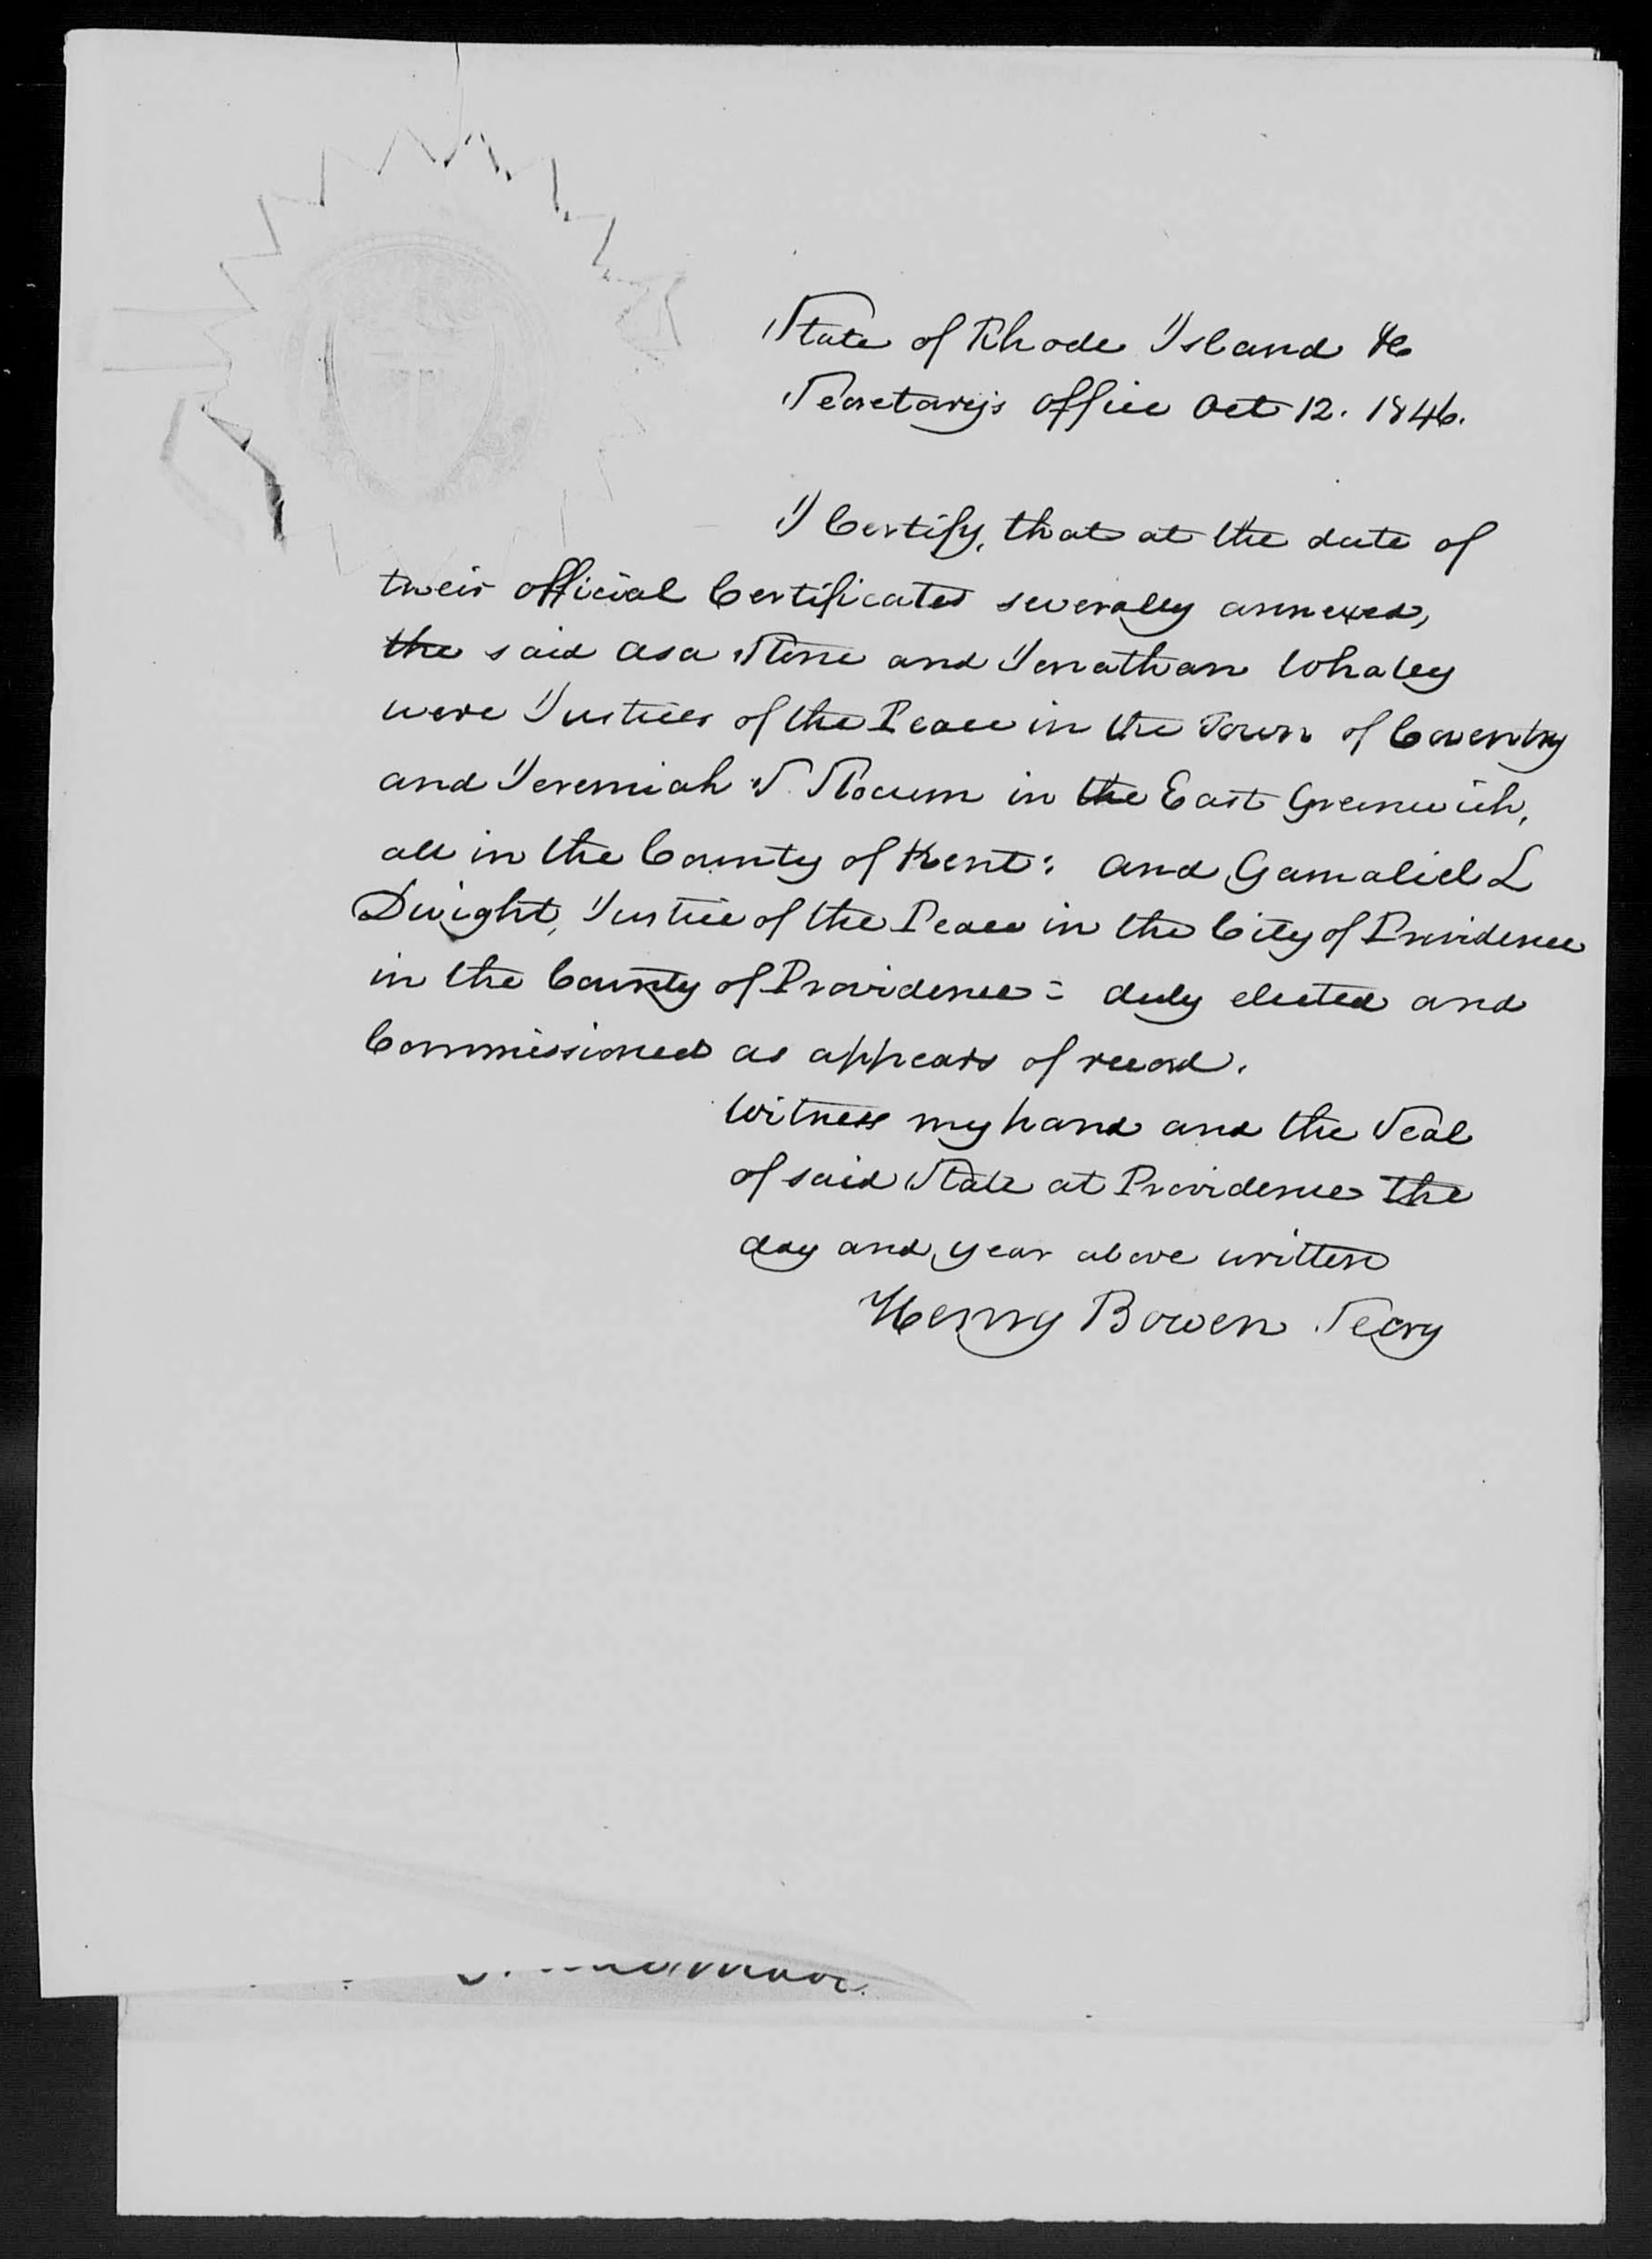State of Rhode Island 
Secretary Office
Oct. 12, 1846

I certify that at the date of their official certificate severally annexed the said Asa Stone and Jonathan Whaley were Justices of the Peace in the town of Coventry and Jeremiah S. Slocum in the East Greenwich all in the county of Kent; and Gamaliel L. Dwight Justice of the Peace in the city of Providence in the county of Providence - duly elected and commissioned as appears of record. 
Witness my hand and the seal of said state at Providence the day and year above written. 
Henry Bowen Secry.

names: Gamaliel L Dwight, Henry Bowen, Jonathan Whaley, Asa Stone, Jeremiah S Slocum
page: 39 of 41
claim: widow's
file: W. 3513, Philip Colvin, R.I.